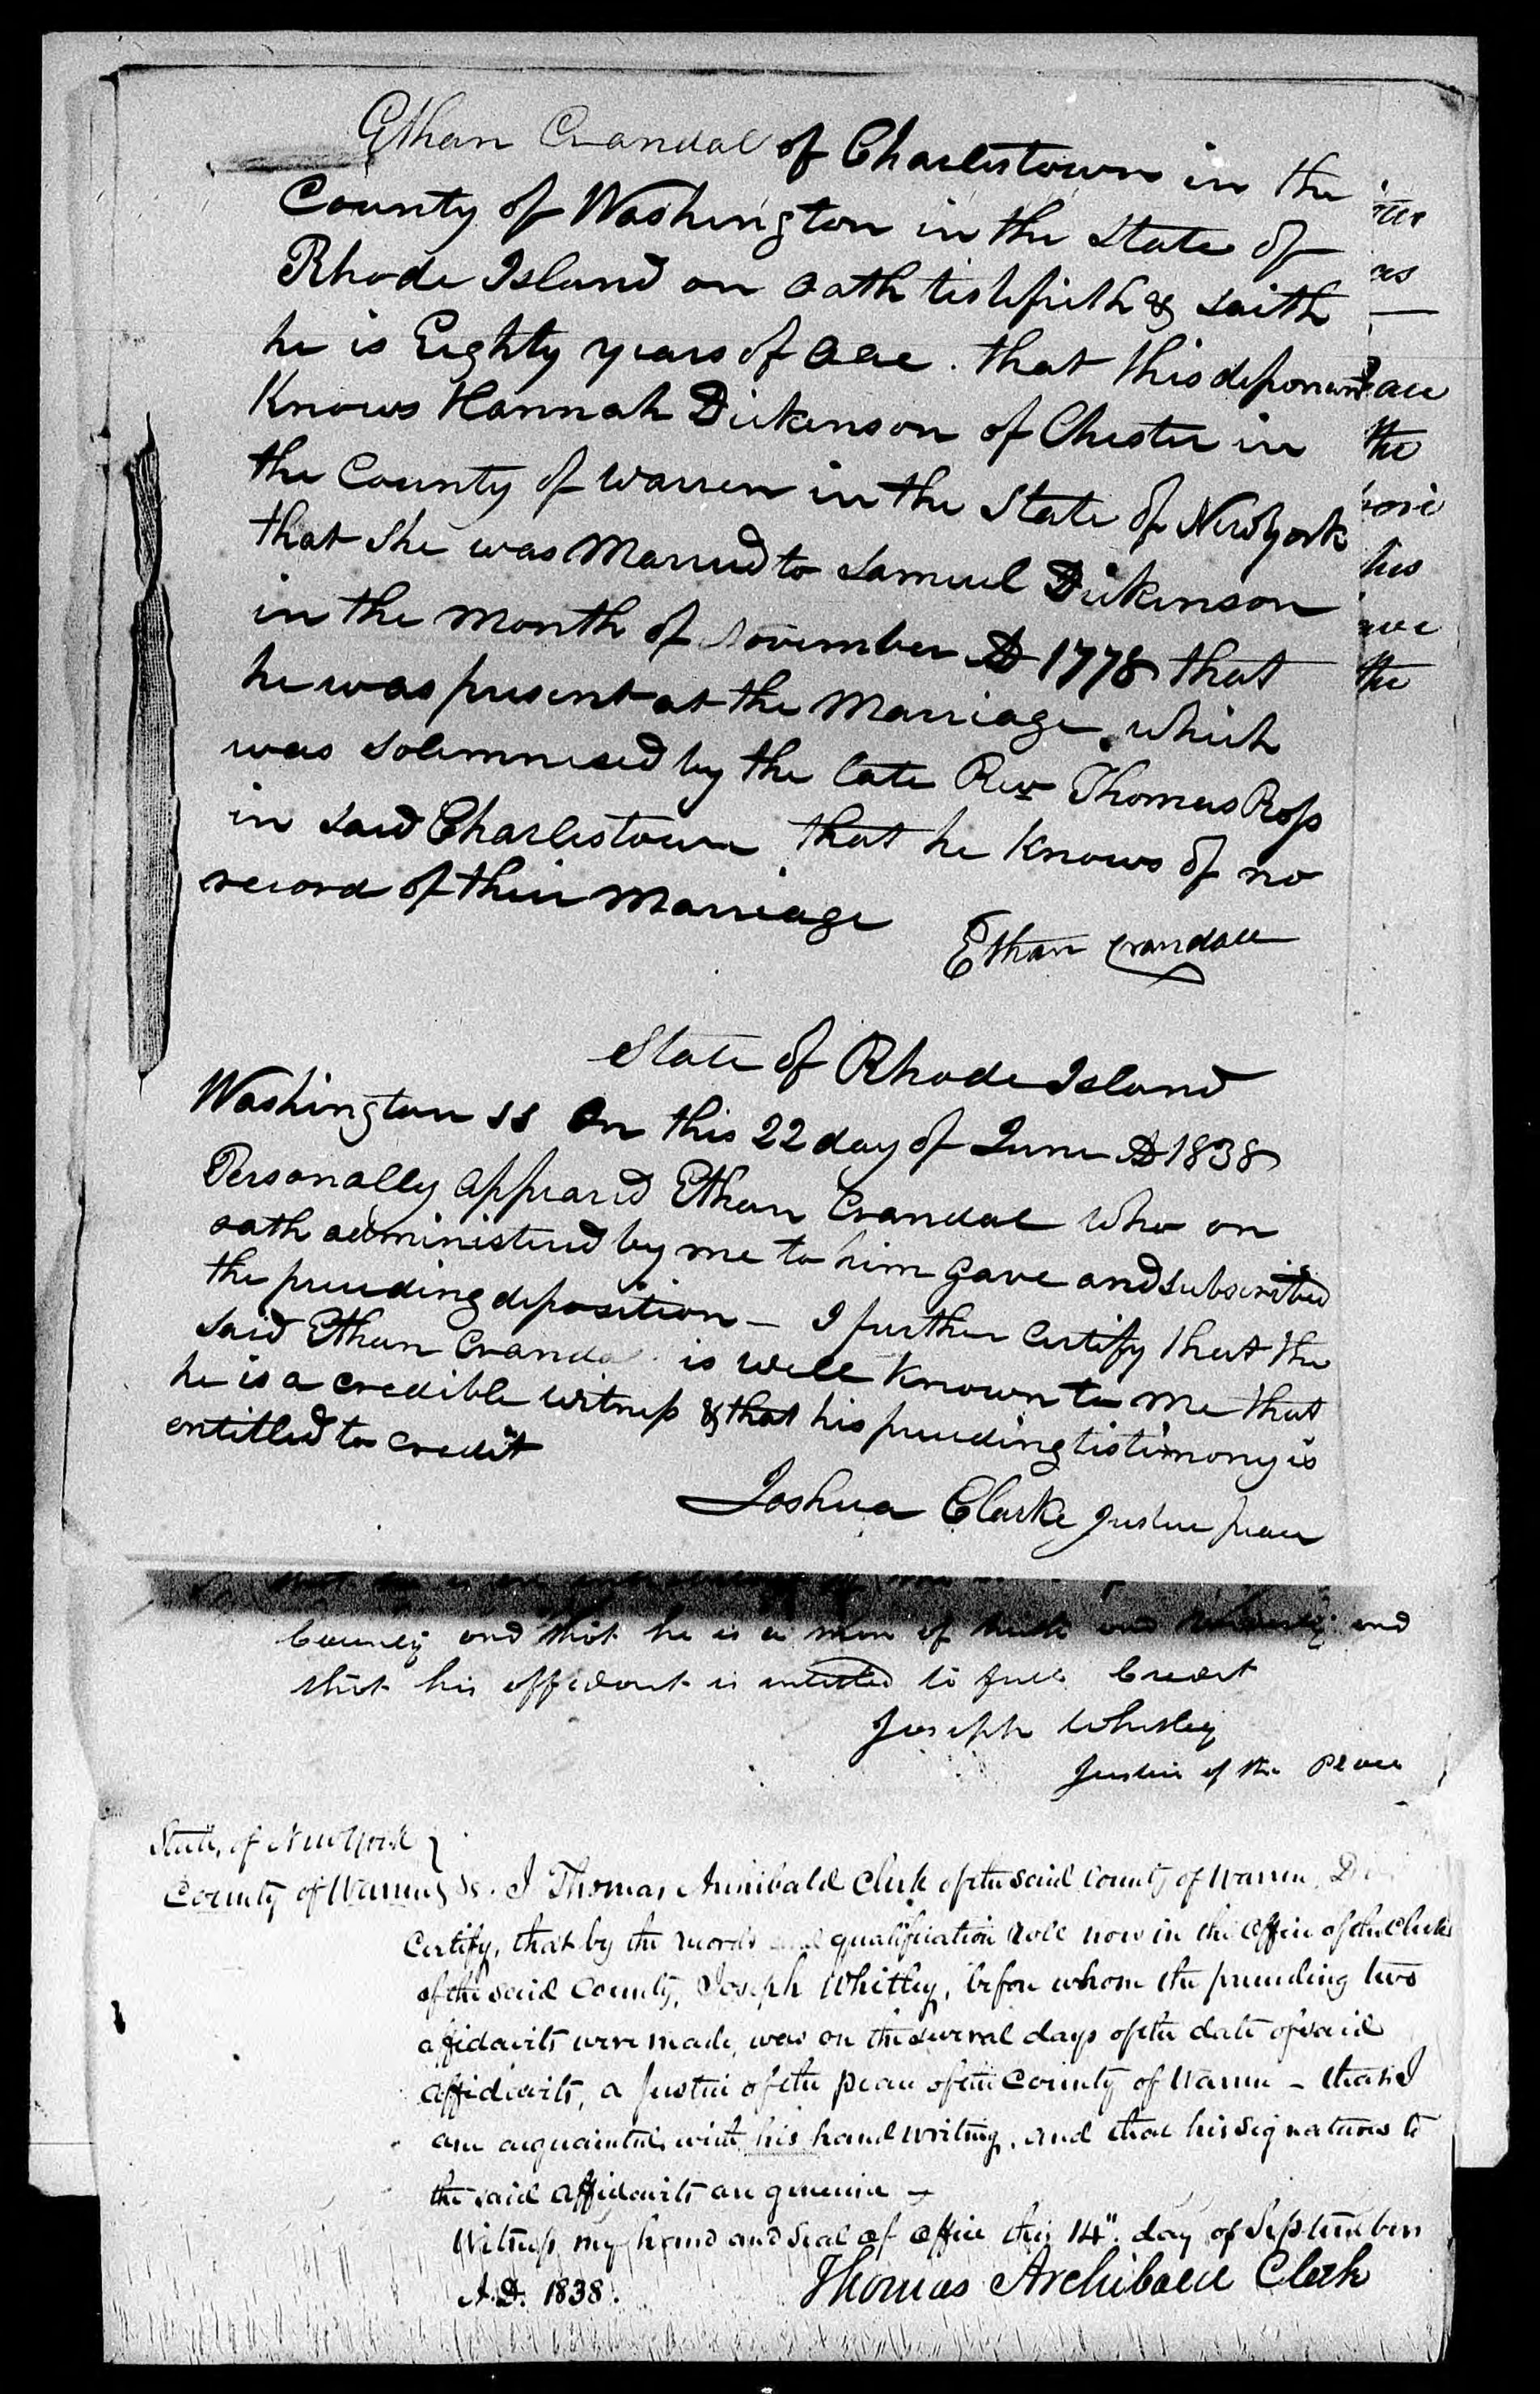Ethan Crandall of Charleston in the County of Washington in the state of Rhode Island on oath his [illegible] faith he is Eighty years of age. that this [illegible] knows Hannah Dickenson of Chester in the County of Warren in the State of New York that she was married to Samuel Dickenson in the month of November AD 1778 that he was present at the marriage which was Solemnised by the late Rev Thomas Rojs in law Charleston that he knows of no record of their marriage  Ethan Crandall State of Rhode Island Washington [illegible] On this 22 day of June AD 1838 Personally appeared Ethan Crandall who on oath administered by me to him gave and submitted the [illegible] deposition I further certify that the said Ethan Crandall is well known to me that he is a credible [illegible] & that his testimony is entitled to credit Joshua Clarke [illegible] [illegible]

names: Joseph Whitley, Ethan Crandal, Samuel Dickinson, Ethan Crandall, Ethan Crandal, Thomas Ross, Ethan Crandal, Joshua Clark, Thomas Archibald, Thomas Archibald, Hannah Dickinson, Joseph Whitley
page: 53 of 60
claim: widow's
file: W 16,955, Samuel Dickinson, Conn.